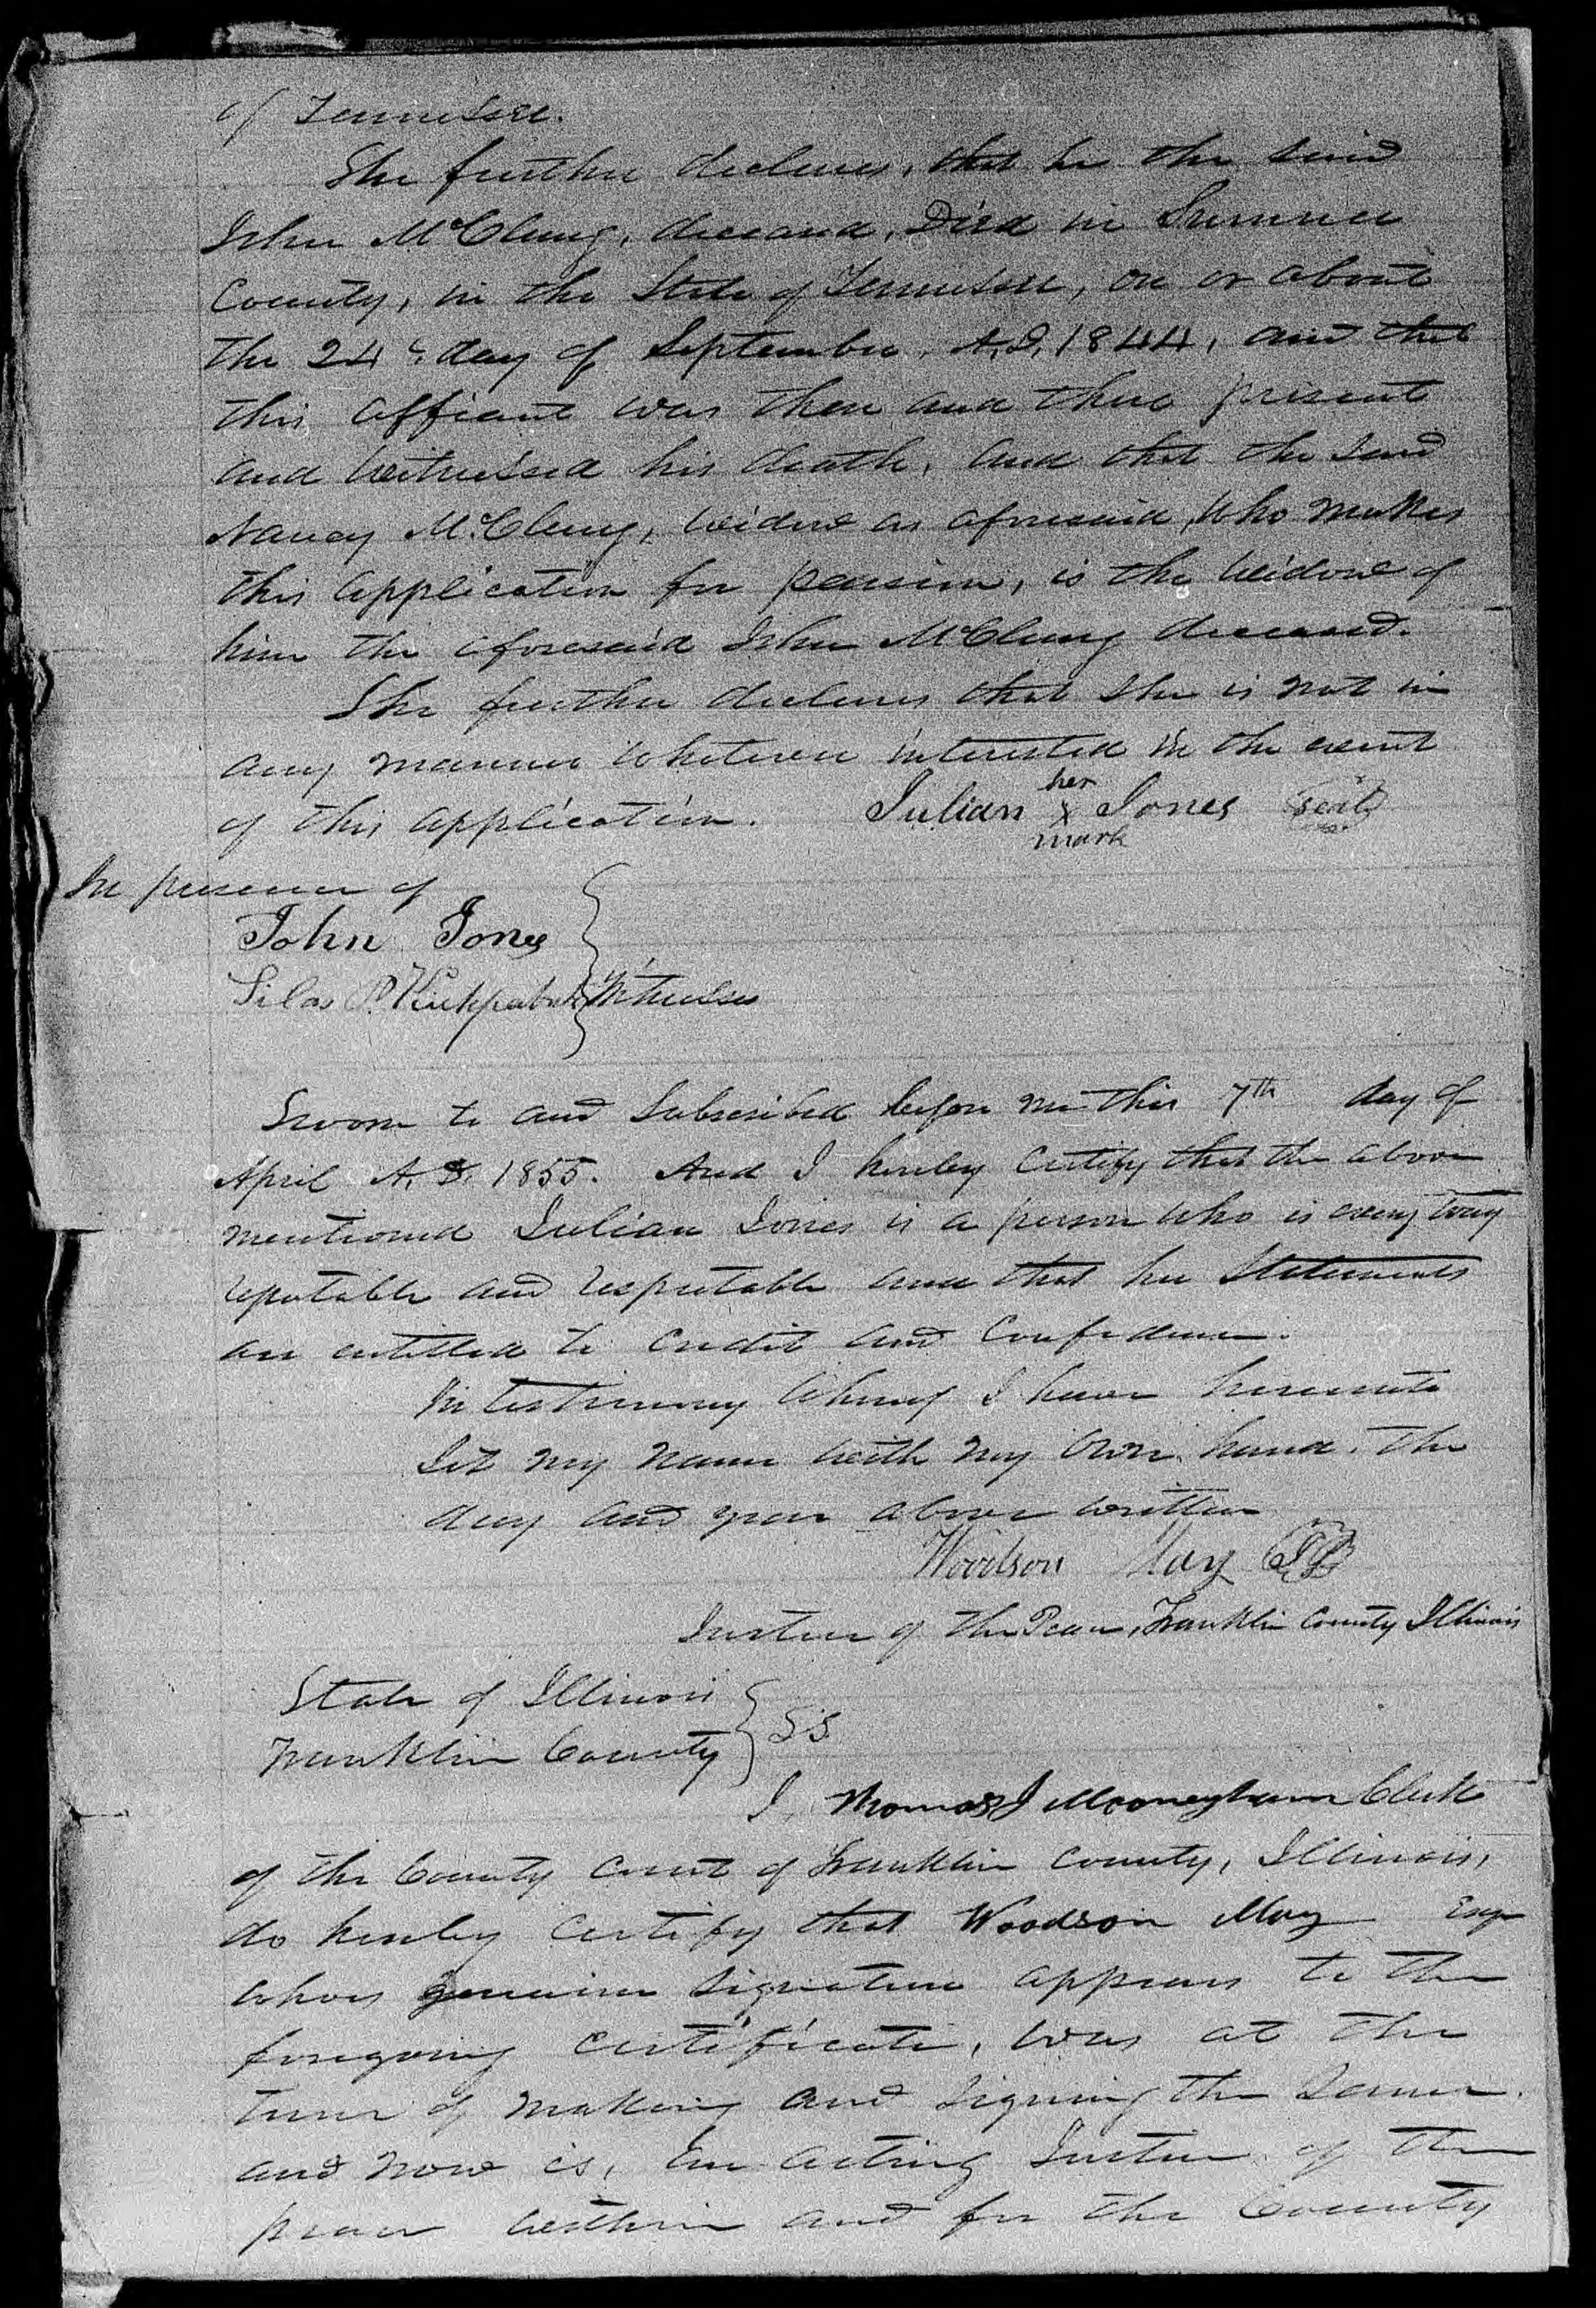of Tennessee.

She further declares, that he the said 
John McClung, deceased, died in Sumner 
County, in the State of Tennessee, on or about 
the 24th day of September A.D. 1844, and that 
this affiant was then and there present 
and witnessed his death, and that the said 
Nancy McClung, widow as aforesaid, who makes 
this application for pension, is the widow of 
him the aforesaid John McClung deceased.

She further declares that she is not in 
any manner whatever interested in the result 
of this application.  Julian her X mark Jones [word Seal encircled]

In presence of 
John Jones }
Silas P. Kirkpatrick } Witnesses

Sworn to and subscribed before me this 7th day of 
April A.D. 1855. And I hereby certify that the above 
mentioned Julian Jones is a person who is every way 
reputable and respectable and that her statements 
are entitled to credit and confidence.
In testimony whereof I have hereunto 
set my name with my own hand the  
day and year above written
Woodson May [encircled JP]
Justice of the Peace, Franklin County Illinois

State of Illinois }
Franklin County } SS.

I Thomas J Mooneyham Clerk 
of the County Court of Franklin County, Illinois, 
do hereby certify that Woodson May Esqr
whose genuine signature appears to the 
foregoing certificate, was at the 
time of making and signing the same 
and now is, an acting Justice of the 
peace within and for the County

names: Thomas J Mooneyham; Nancy Mc Clung; Silas P Kirkpatrick; John Mc Clung; Julian Jones; John Jones; Woodson May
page: 30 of 115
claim: widow's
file: W. 1446, for John Mc Clung, South Carolina